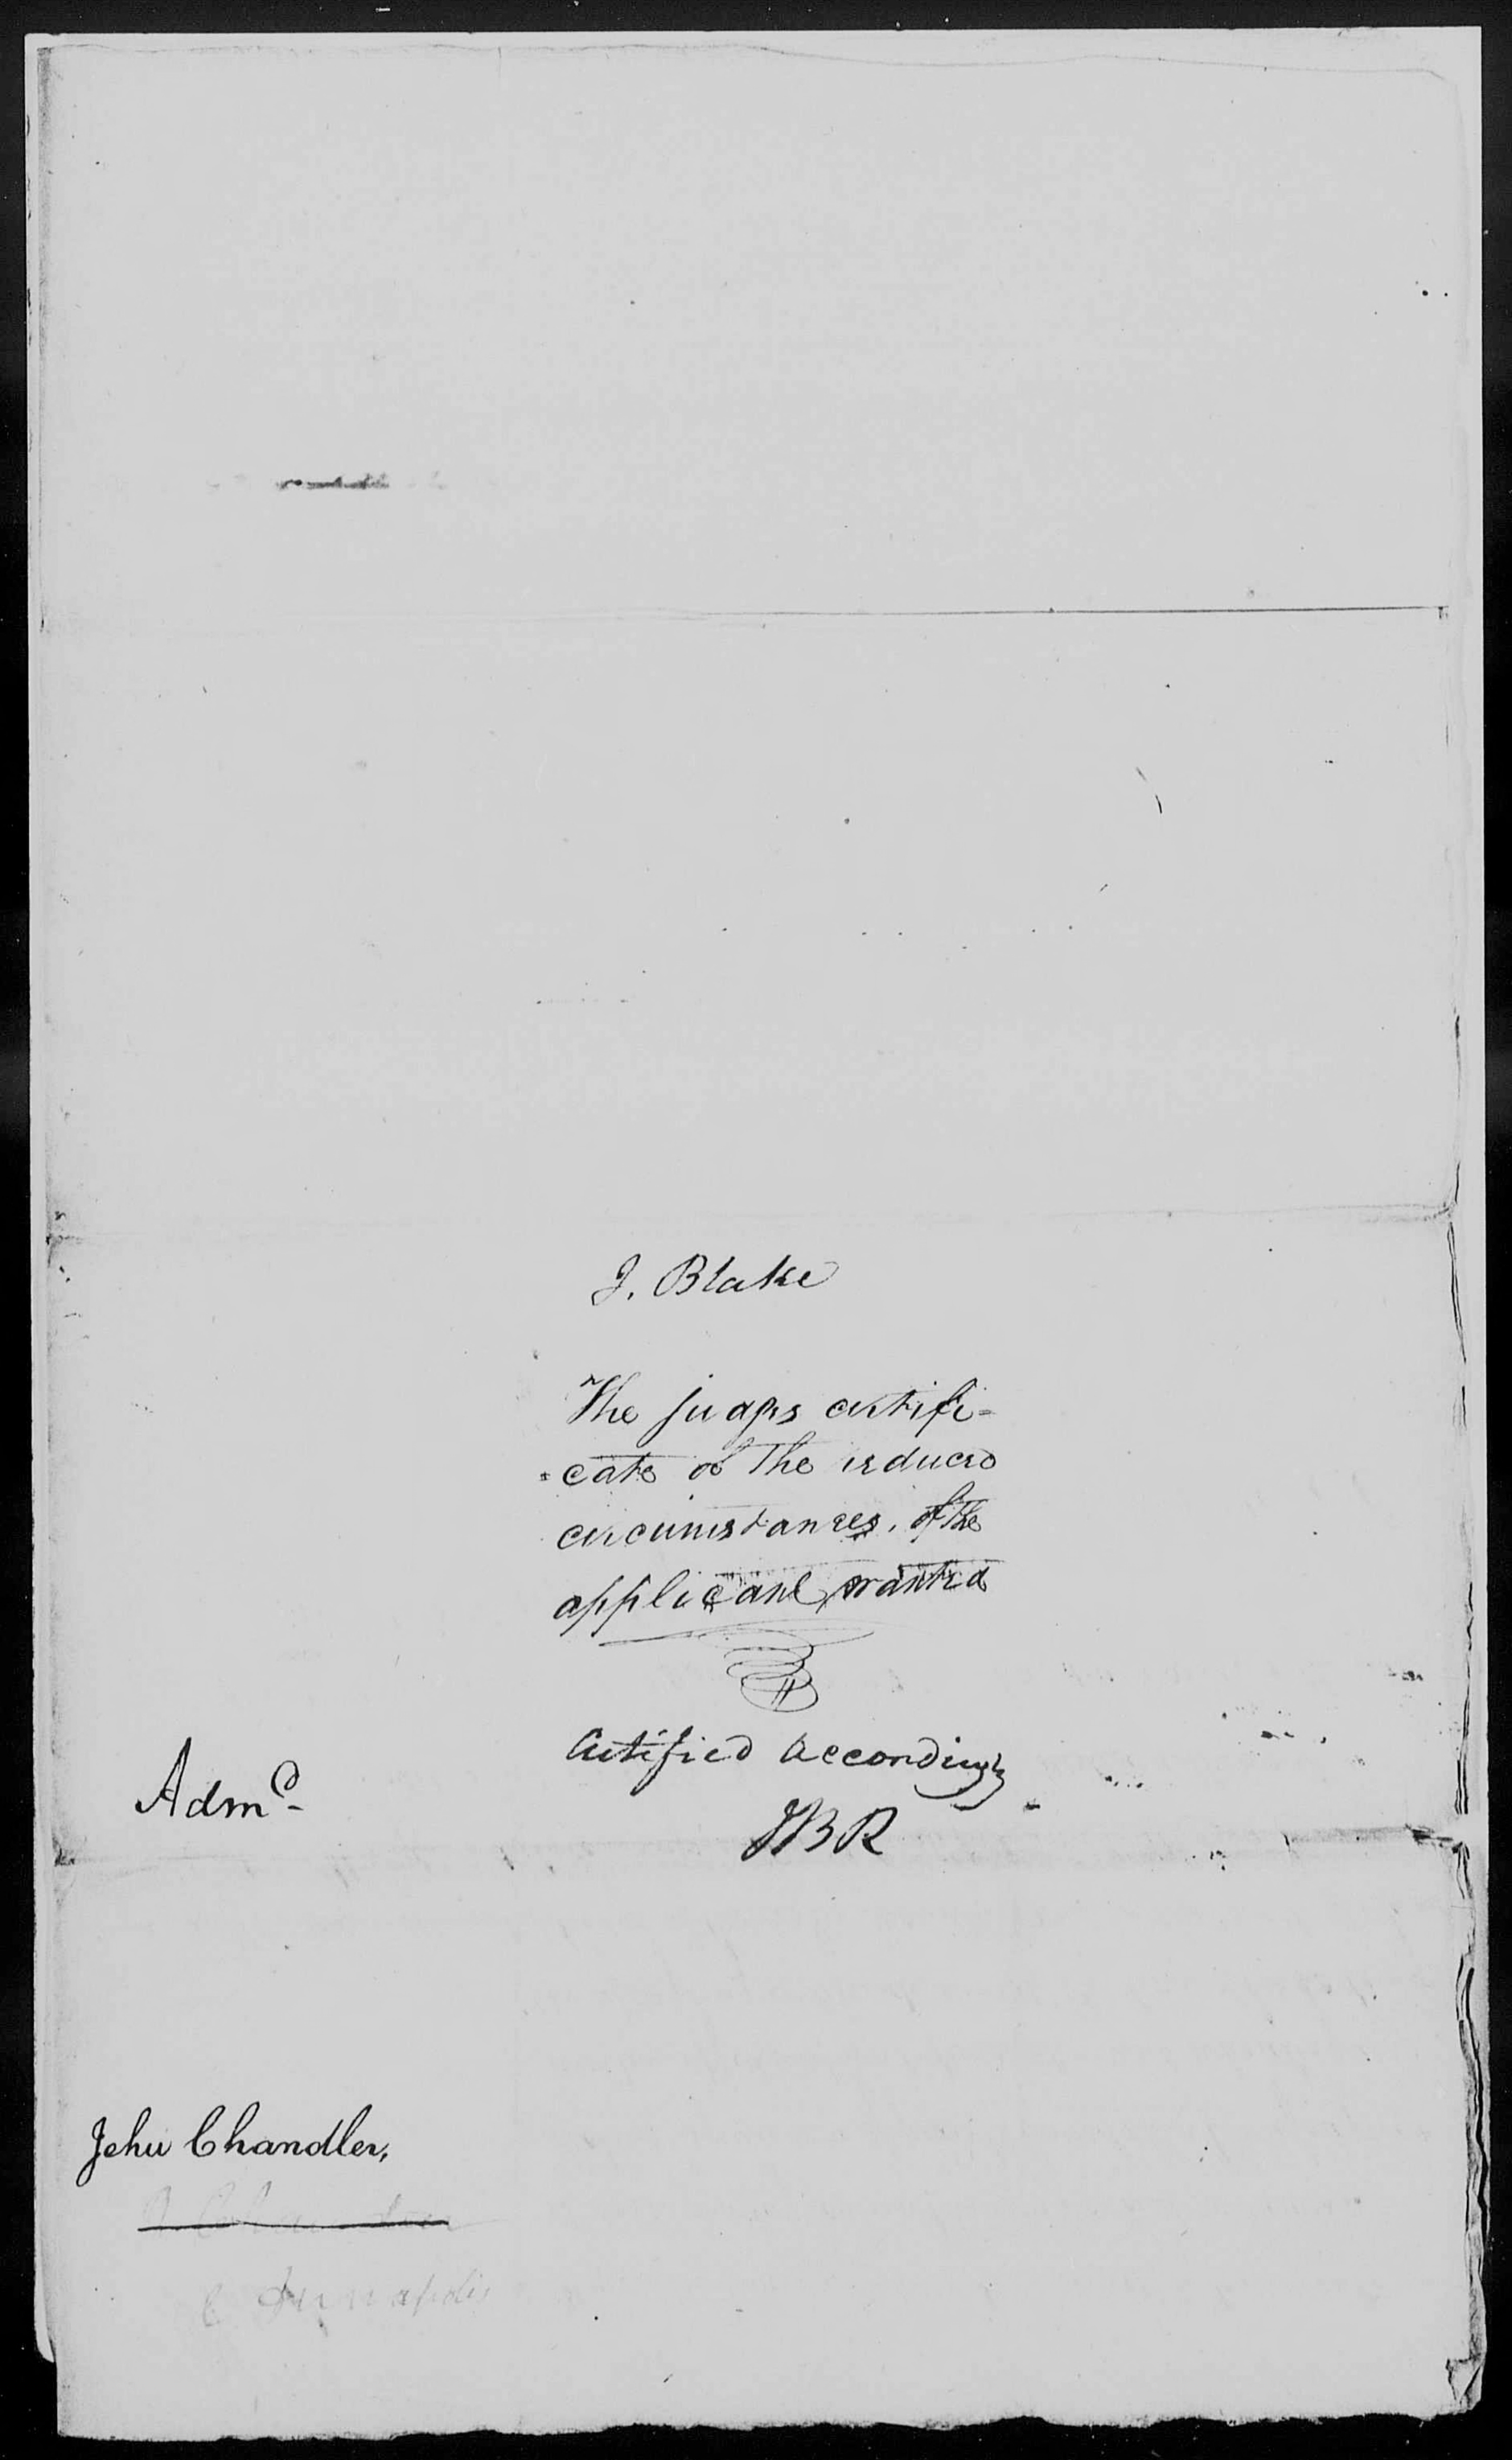J. Blake

The judges certificate of the reduced circumstances of the applicant named

Certified accordingly 
JBR

Adm. 


John Chandler,
[crossed out text]
Annapolis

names: John Chandler, Admd, J Blake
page: 3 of 18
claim: survivor's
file: S. 34654, Jacob Blake, Md.